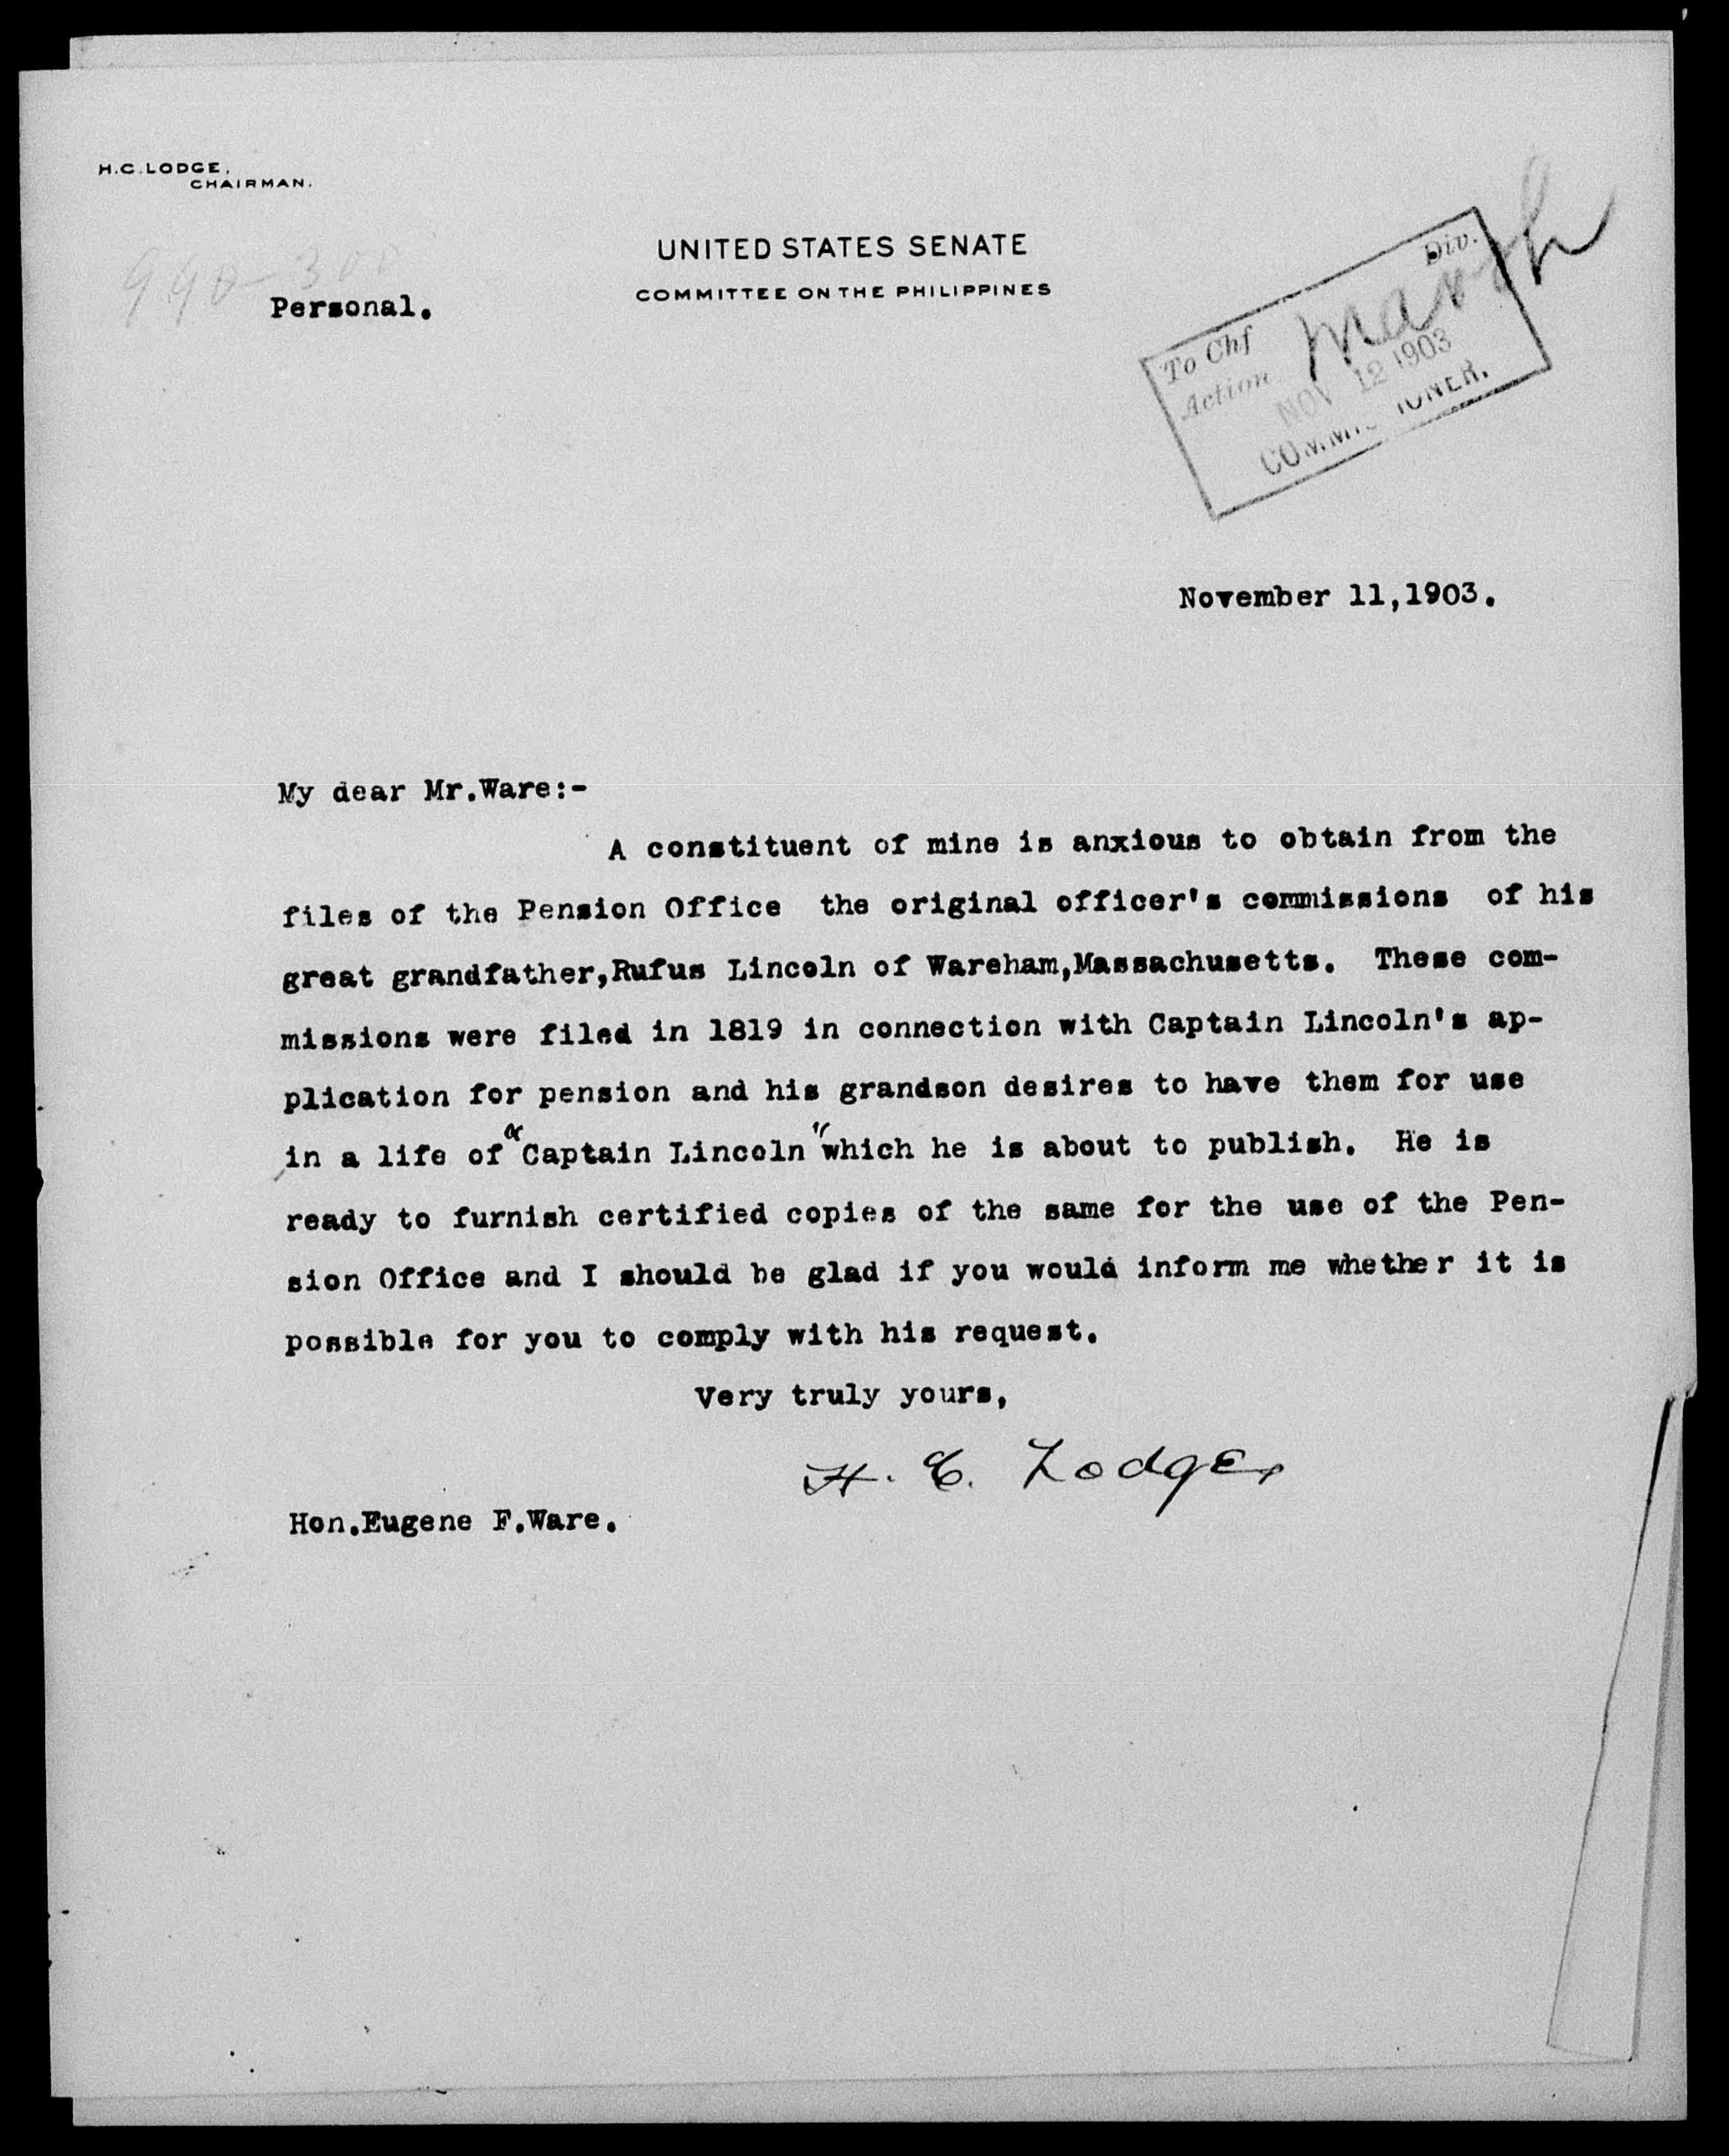H. C. LODGE.
CHAIRMAN.
990-300
UNITED STATES SENATE
COMMITTEE ON THE PHILIPPINES
Personal.

November 11, 1903.

My dear Mr. Ware: --
A constituent of mine is anxious to obtain from the files of the Pension Office the original officer's commissions of his great grandfather, Rufus Lincoln of Wareham, Massachusetts. These commissions were filed in 1819 in connection with Captain Lincoln's application
for pension and his grandson desires to have them for use in a life of Captain Lincoln which he is about to publish. He is ready to furnish certified copies of the same for the use of the Pension Office and I should be glad if you would inform me whether it is possible for you to comply with his request.
Very truly yours,
H. C. Lodge

Hon. Eugene F. Ware,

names: H C Lodge; Rufus Lincoln; Eugene F Ware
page: 82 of 82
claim: widow's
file: W. 13,634, for Rufus Lincoln, Massachusetts